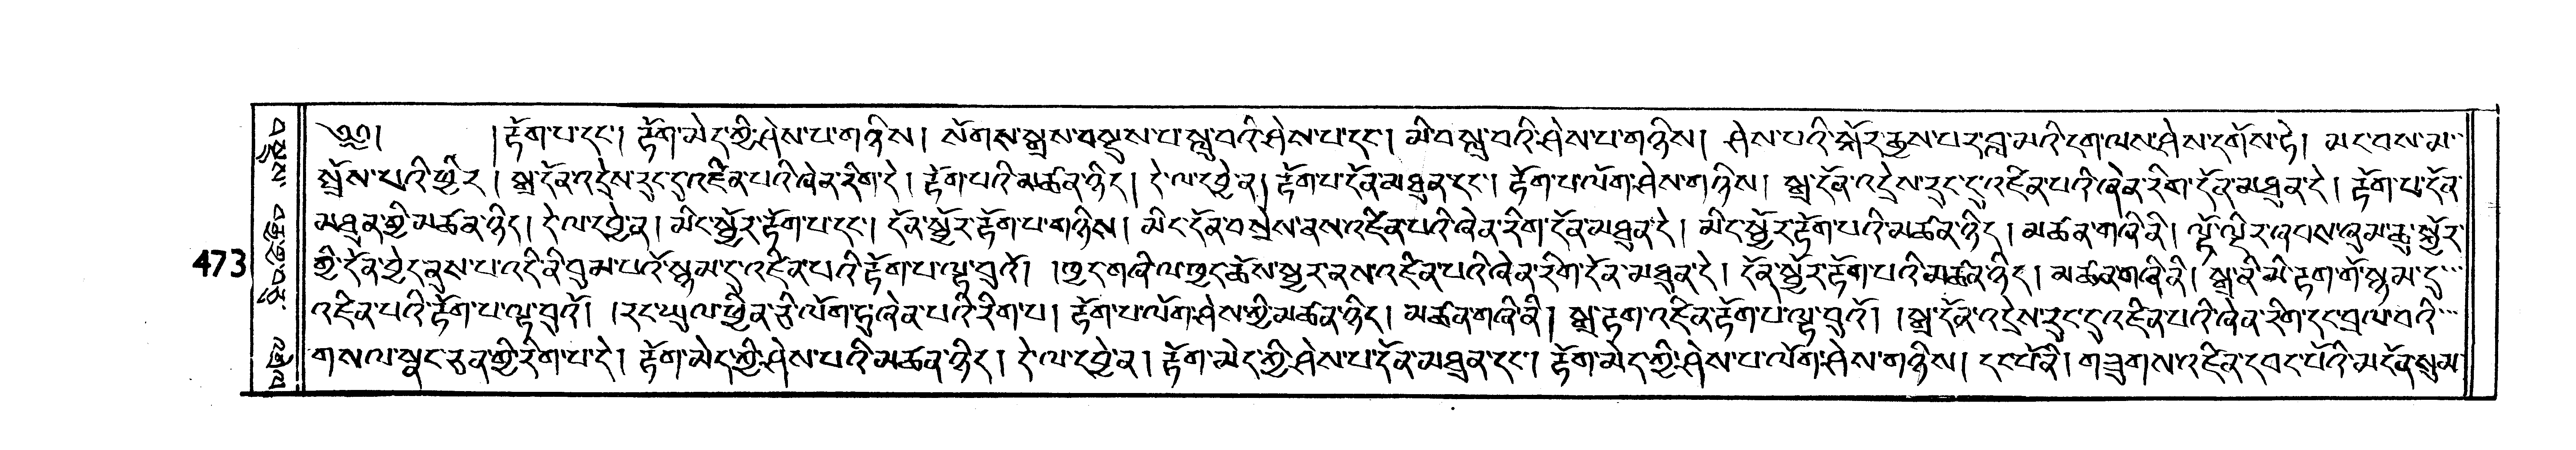༄༅། །རྟོག་པ་དང་། རྟོག་མེད་ཀྱི་ཤེས་པ་གཉིས། སོགས་སྒྲས་བསྡུས་པ་སླུ་བའི་ཤེས་པ་དང་། མི་བསླུ་བའི་ཤེས་པ་གཉིས། ཤེས་པའི་སྐོར་རྒྱས་པར་བླ་མའི་དག་ལས་ཤེས་དགོས་ཏེ། མང་བས་མ་
སྤྲོས་པའི་ཕྱིར། སྒྲ་དོན་འདྲེས་རུང་དུ་འཛིན་པའི་ཞེན་རིག་དེ། རྟོག་པའི་མཚན་ཉིད། དེ་ལ་དབྱེ་ན། རྟོག་པ་དོན་མཐུན་དང་། རྟོག་པ་ལོག་ཤེས་གཉིས། སྒྲ་དོན་འདྲེས་རུང་དུ་འཛིན་པའི་ཞེན་རིག་དོན་མཐུན་དེ། རྟོག་པ་དོན་
མཐུན་གྱི་མཚན་ཉིད། དེ་ལ་དབྱེ་ན། མིང་སྦྱོར་རྟོག་པ་དང་། དོན་སྦྱོར་རྟོག་པ་གཉིས། མིང་དོན་བསྲེས་ནས་འཛིན་པའི་ཞེན་རིག་དོན་མཐུན་དེ། མིང་སྦྱོར་རྟོག་པའི་མཚན་ཉིད། མཚན་གཞི་ནི། ལྟོ་ལྡིར་ཞབས་ཞུམ་ཆུ་སྐྱོར་
གྱི་དོན་བྱེད་ནུས་པ་འདི་ནི་བུམ་པའོ་སྙམ་དུ་འཛིན་པའི་རྟོག་པ་ལྟ་བུའོ། །ཁྱད་གཞི་ལ་ཁྱད་ཆོས་སྦྱར་ནས་འཛིན་པའི་ཞེན་རིག་དོན་མཐུན་དེ། དོན་སྦྱོར་རྟོག་པའི་མཚན་ཉིད། མཚན་གཞི་ནི། སྒྲ་ནི་མི་རྟག་གོ་སྙམ་དུ་
འཛིན་པའི་རྟོག་པ་ལྟ་བུའོ། །རང་ཡུལ་ཕྱིན་ཅི་ལོག་ཏུ་ཞེན་པའི་རིག་པ། རྟོག་པ་ལོག་ཤེས་ཀྱི་མཚན་ཉིད། མཚན་གཞི་ནི། སྒྲ་རྟག་འཛིན་རྟོག་པ་ལྟ་བུའོ། །སྒྲ་དོན་འདྲེས་རུང་དུ་འཛིན་པའི་ཞེན་རིག་དང་བྲལ་བའི་
གསལ་སྣང་ཅན་གྱི་རིག་པ་དེ། རྟོག་མེད་ཀྱི་ཤེས་པའི་མཚན་ཉིད། དེ་ལ་དབྱེ་ན། རྟོག་མེད་ཀྱི་ཤེས་པ་དོན་མཐུན་དང་། རྟོག་མེད་ཀྱི་ཤེས་པ་ལོག་ཤེས་གཉིས། དང་པོ་ནི། གཟུགས་འཛིན་དབང་པོའི་མངོན་སུམ་